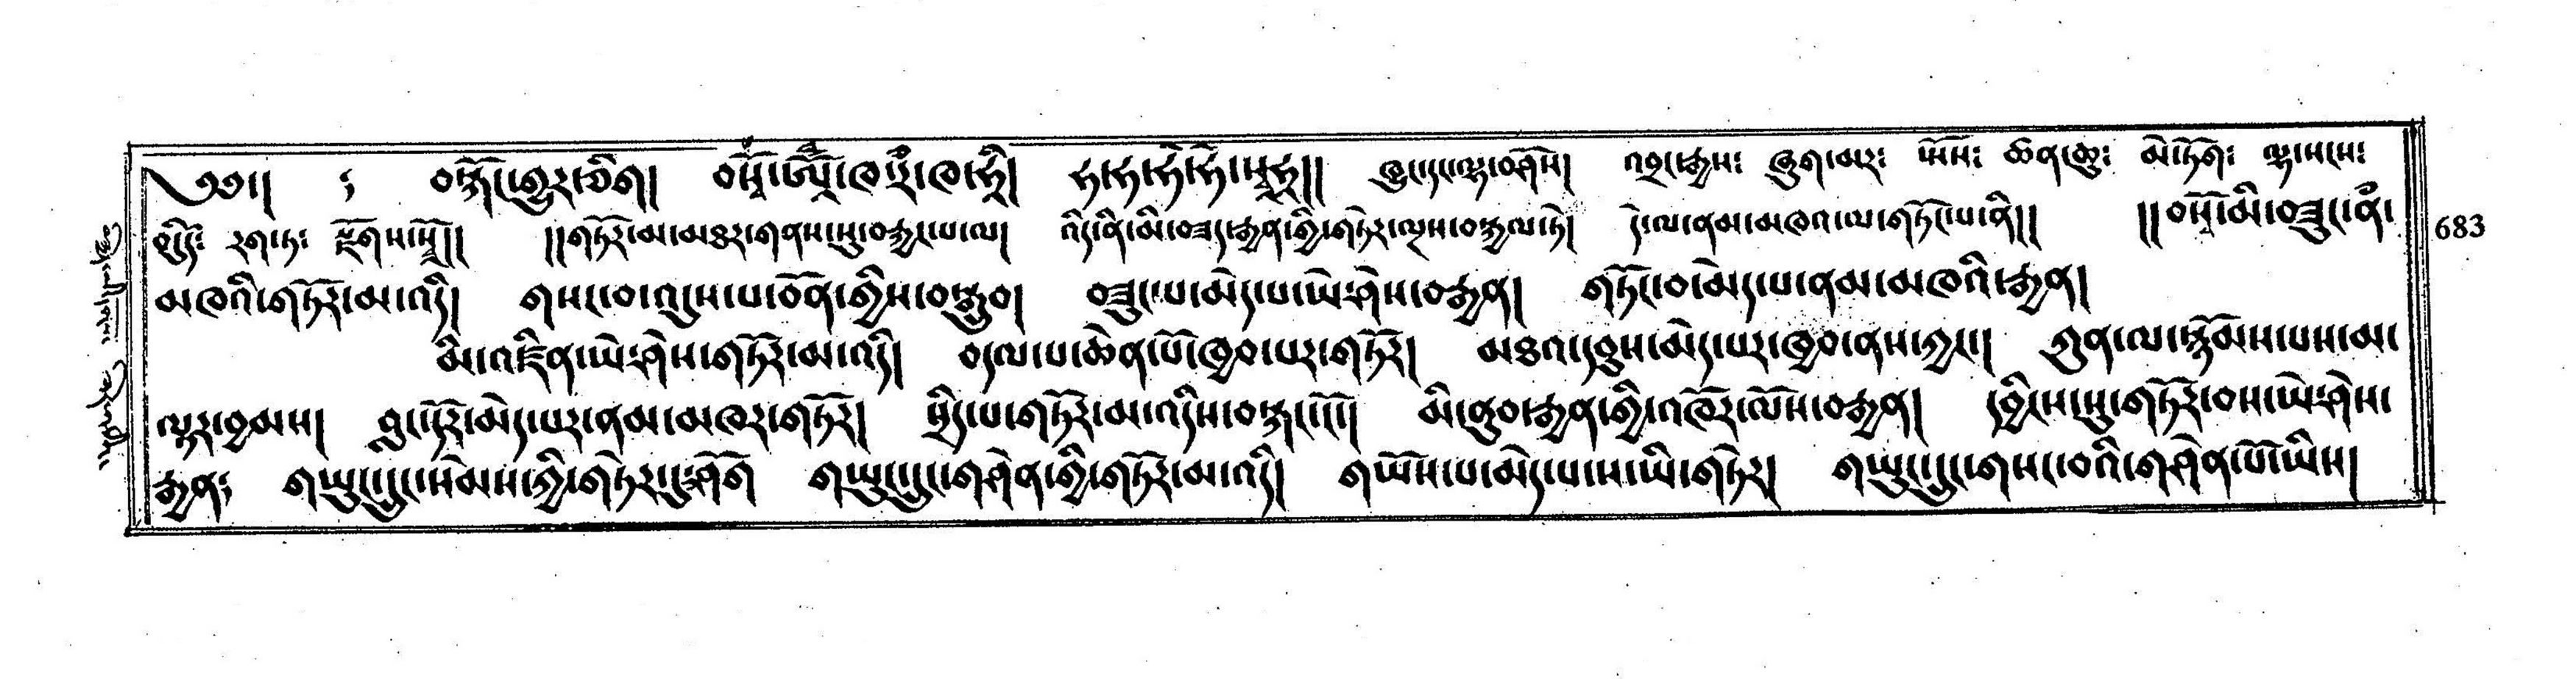བསྐོང་གྱུར་ཅིག བསྭོ་ཨཱོཾ་ཁ་རཾ་ཁ་ཧཱི། ཧ་ཧ་ཧེ་ཧེ་སྭཱཧཱ།། ཁྱུང་དང་ལྷ་བཤོས། འབྲང་རྒྱས༴ ཞུག་མར༴ སྤོས༴ ཚན་ཆུ༴ མེ་ཏོག༴ ལྷ་སངས༴ 
བདུད་རྩི༴ རག་ཏ༴ རྫོགས་སྭཱོ།། །།གཏོར་མ་མཐར་གནས་སུ་བརྐྱང་པ་ལ། འདི་ནི་མི་བཟད་རྒྱན་གྱི་གཏེར་ལྔས་བསྐྱལ་ཏེ། དེ་ལ་ནམ་མཁའ་ལ་གཏོང་པ་ནི།། །།བསྭོ་མི་བཟུང་ནམ་
མཁའི་གཏོར་མ་འདི། གསང་བ་འདུས་པ་བོན་གྱིས་བསྒྲུབ། བཟུང་པ་མེད་པ་ཡེ་ཤེས་བརྒྱན། གཏོང་བ་མེད་པ་ནམ་མཁའི་རྒྱན། 
མི་འཛིན་ཡེ་ཤེས་གཏོར་མ་འདི། བདལ་པ་ཆེན་པོ་ཁྱབ་པར་གཏོར། མཐའ་དབུས་མེད་པར་ཁྱབ་ནས་ཀྱང་། ཀུན་ལ་སྙོམས་པས་མ་
ལྟར་བྱམས། བླང་དོར་མེད་པར་ནམ་མཁར་གཏོར། སྲིད་པ་གཏོར་མ་འདིས་བསྐང་ངོ་། མི་ནུབ་རྒྱན་གྱི་འཁོར་ལོས་བརྒྱན། དབྱིངས་སུ་གཏོར་བས་ཡེ་ཤེས་
རྒྱན། གཡུང་དྲུང་སེམས་ཀྱི་གཏེར་དུ་ཤོག གཡུང་དྲུང་གཤེན་གྱི་གཏོར་མ་འདི། གཡོས་པ་མེད་པ་ས་ཡི་གཏེར། གཡུང་དྲུང་གསང་བའི་གཤེན་པོ་ཡིས།